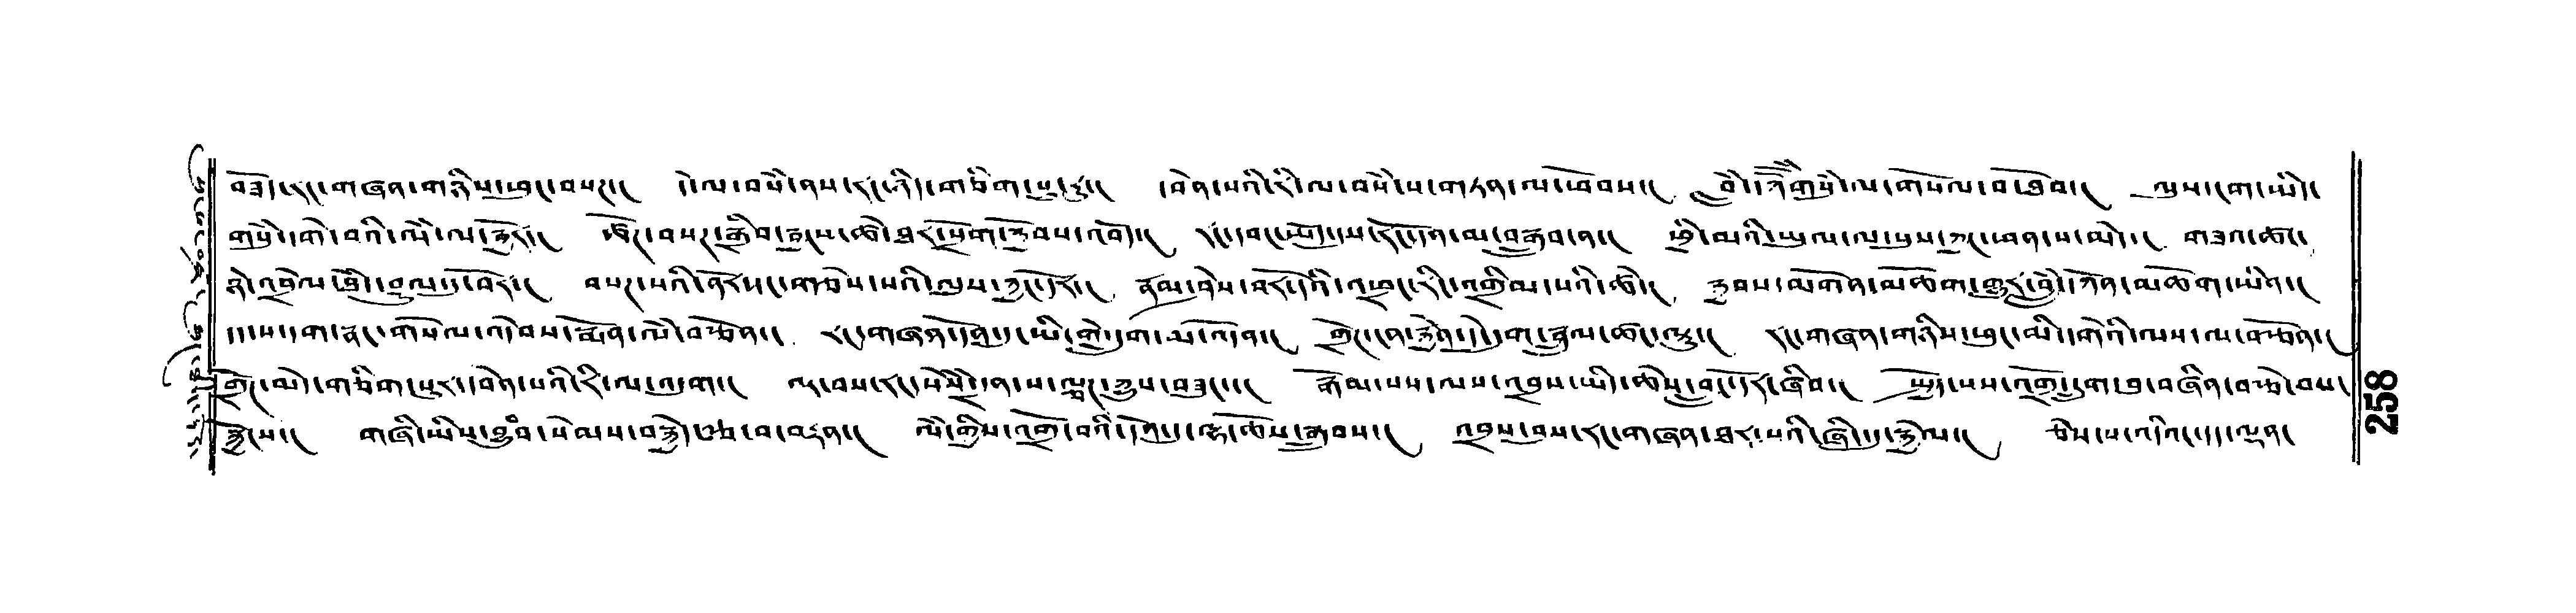བཟོད་རང་གཞན་གཉིས་ཕུང་བསགས། །དེ་ལ་བསམ་ནས་རང་ཉིད་གཅིག་པུ་རུ། །དབེན་པའི་རི་ལ་བསམ་པ་གཏན་ལ་ཕེབས། །བླ་མ་དཀོན་མཆོག་གསུམ་ལ་གསོལ་བ་ཐོབས། །ལུས་ངག་ཡིད་
གསུམ་དགེ་བའི་ལམ་ལ་སྦྱོར། །ཚོགས་གསོག་སྒྲིབ་སྦྱོང་ཚེ་ཐར་སྲོག་སྐྱོབ་འབོད། །རང་དབང་ཡོད་དུས་རང་དོན་མ་བསྒྲུབ་ན། །ཕྱི་མའི་ཡུལ་ལ་སུས་ཀྱང་ཕན་པ་མེད། །བཟའ་ཚང་
ཉེ་འབྲེལ་ཐམས་ཅད་ཤུལ་དུ་བོར། །བསགས་པའི་ནོར་དང་གཅེས་པའི་ལུས་ཀྱང་དོར། །རྣམ་ཤེས་བར་དོའི་འཕྲང་རིང་འགྲིམ་པའི་ཚེ། །སྐྱབས་མགོན་མཆོག་གྱུར་བླ་མ་དཀོན་མཆོག་ཡིན། །
དད་པ་དག་སྣང་གསོལ་འདེབས་སྨོན་ལམ་བརྩོན། །རང་གཞན་དོན་དུ་ཡི་གེ་དྲུག་མ་ཐོན། །གྲོགས་ངན་རྐྱེན་དེ་དུག་སྦྲུལ་ཚང་ལྟ་བུ། །རང་གཞན་གཉིས་ཕུང་མི་དགེའི་ལས་ལ་བརྩོན། །
གྲོགས་མེད་གཅིག་པུར་དབེན་པའི་རི་ལ་འདུག །ལྟ་བས་རང་སེམས་དྲན་པ་ལྕགས་ཀྱུས་བཟུང་། །སྒོམ་པས་ལས་འབྲས་ཡིད་ཆེས་བླང་དོར་ཞིབ། །སྤྱོད་པས་འགྲོ་དྲུག་བུ་བཞིན་བརྩེ་བས་
སྐྱོངས། །གཞི་ཡིས་བྱང་ཆུབ་སེམས་བསྐྱེད་རྩ་བ་བརྟན། །ལམ་གྱིས་འགྲོ་བའི་དོན་དུ་ལྷ་ཆོས་སྒྲུབས། །འབྲས་བུས་རང་གཞན་ཐར་པའི་ཞིང་དུ་སྐྱོལ། ཅེས་པ་འདིའང་དད་ལྡན་